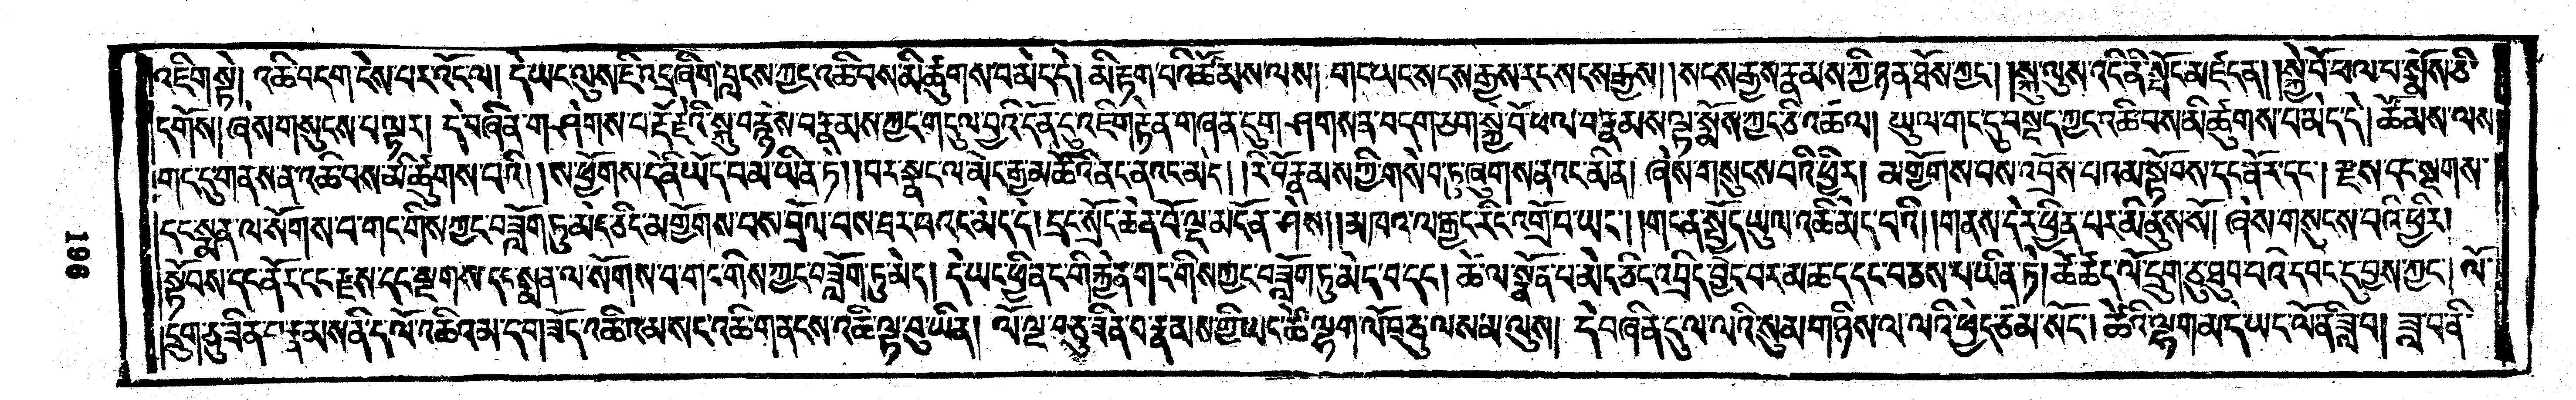འཇིག་སྟེ། འཆི་བདག་ངེས་བར་འོང་ལ། དེ་ཡང་ལུས་ཇི་འདྲ་ཞིག་བླངས་ཀྱང་འཆི་བས་མི་ཚུགས་བ་མེད་དེ། མི་རྟག་པའི་ཚོམས་ལས། གང་ཡང་སངས་རྒྱས་རང་སངས་རྒྱས། །སངས་རྒྱས་རྣམས་ཀྱི་ཉན་ཐོས་ཀྱང་། །སྐུ་ལུས་འདི་ནི་སྤོང་མཛད་ན། །སྐྱེ་བོ་ཕལ་པ་སྨོས་ཅི་
དགོས། ཞེས་གསུངས་པ་ལྟར། དེ་བཞིན་གཤེགས་པ་རྡོ་རྗེའི་སྐུ་བརྙེས་བ་རྣམས་ཀྱང་གདུལ་བྱའི་དོན་དུ་འཇིག་རྟེན་གཞན་དུ་གཤགས་ན་བདག་ཅག་སྐྱེ་བོ་ཕལ་བ་རྣམས་ལྟ་སྨོས་ཀྱང་ཅི་འཚལ། ཡུལ་གང་དུ་བསྔད་ཀྱང་འཆི་བས་མི་ཚུགས་པ་མེད་དེ། ཚོམས་ལས་
གང་དུ་གནས་ན་འཆི་བས་མི་ཚུགས་པའི། །ས་ཕྱོགས་དེ་ནི་ཡོད་བ་མ་ཡིན་ཏེ། །བར་སྣང་ལ་མེད་རྒྱ་མཚོའི་ནང་ནའང་མེད། །རི་བོ་རྣམས་ཀྱི་གསེབ་ཏུ་ཞུགས་ནའང་མིན། ཞེས་གསུངས་བའི་ཕྱིར། མགྱོགས་བས་འབྲོས་པའམ་སྟོབས་དང་ནོར་དང་། རྫས་དང་སྔགས་
དང་སྨན་ལ་སོགས་པ་གང་གིས་ཀྱང་བཟློག་ཏུ་མེད་ཅིང་མགྱོགས་བས་བྲོལ་བས་ཐར་བའང་མེད་དེ། དྲང་སྲོང་ཆེན་བོ་ལྡན་མངོན་ཤེས། །མཁའ་ལ་རྒྱང་རིང་འགྲོ་བ་ཡང་། །གང་ན་སྤྱོད་ཡུལ་འཆི་མེད་བའི། །གནས་དེར་ཕྱིན་པར་མི་ནུས་སོ། །ཞེས་གསུངས་བའི་ཕྱིར།
སྟོབས་དང་ནོར་དང་རྫས་དང་སྔགས་དང་སྨན་ལ་སོགས་པ་གང་གིས་ཀྱང་བཟློག་ཏུ་མེད། དེ་ཡང་ཕྱི་ནང་གི་རྐྱེན་གང་གིས་ཀྱང་བཟློག་ཏུ་མེད་བ་དང་། ཚེ་ལ་སྣོན་པ་མེད་ཅིང་འབྲིང་བྱེད་བར་མ་ཆད་དང་བཅས་པ་ཡིན་ཏེ། ཚེ་ཚད་ལོ་དྲུག་ཅུ་ཐུབ་བའི་དབང་དུ་བྱས་ཀྱང་། ལོ་
དྲུག་ཅུ་ཟིན་བ་རྣམས་ནི་ད་ལོ་འཆིའམ་ད་གཟོད་འཆི་འམ་སང་འཆི་ག་ནངས་འཆི་ལྟ་བུ་ཡིན། ལོ་ལྔ་བཅུ་ཟིན་བ་རྣམས་ཀྱི་ཡང་ཚེ་ལྷག་ལོ་བཅུ་ལས་མ་ལུས། དེ་བཞིན་དུ་ལ་ལའི་སུམ་གཉིས་ལ་ལའི་ཕྱེད་ཙམ་སོང་། ཚེའི་ལྷག་མེད་ཡང་ལོ་ནི་ཟླ་བ། ཟླ་བ་ནི་